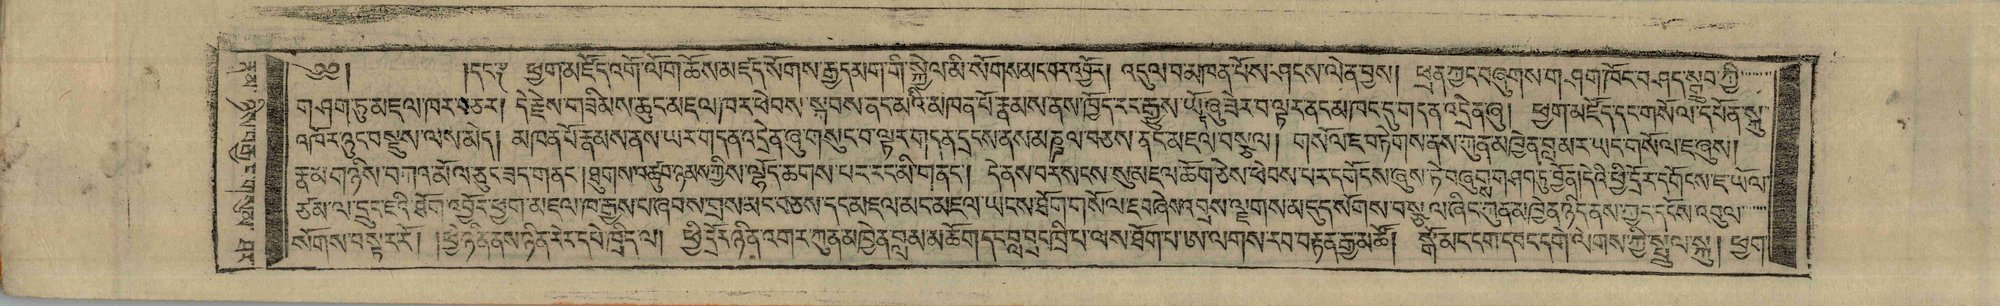༄༅། །དང༑ ཕྱག་མཛོད་འགོ་ལོག་ཆོས་མཛད་སོགས་རྒྱ་དམག་གི་སྐྱེལ་མི་སོགས་མང་བར་འབྱོར། འདུལ་བ་མཁན་པོས་ཤངས་ལེན་བྱས། ཕྲན་ཀྱང་བཞུགས་གཤག་ཁོང་བཤད་སྒྲུབ་ཀྱི་
གཤག་ཏུ་མཇལ་ཁར་བཅར། དེ་རྗེས་གཟིམས་ཆུང་མཇལ་ཁར་ཕེབས་སྐབས་ནང་མའི་མཁན་པོ་རྣམས་ནས་?་ཁྱོད་རང་རྒྱུས་ཡོད་ཞུ་ཟེར་བ་ལྟར་ནང་མ་ཁང་དུ་གདན་འདྲེན་ཞུ། ཕྱག་མཛོད་དང་གསོལ་དཔོན་སྐུ་
འཁོར་ཉུང་བསྡུས་ལས་མེད། མཁན་པོ་རྣམས་ནས་ཡར་གདན་འདྲེན་ཞུ་གསུང་བ་ལྟར་གདན་དྲངས་ནས་མཎྜལ་བཅས་ནང་མཇལ་བསྩལ། གསོལ་ཇ་བཏེགས་ནས་ཀུན་མཁྱེན་བླ་མར་ཡང་གསོལ་ཇ་ཞུས།
རྣམ་གཉིས་བཀའ་མོལ་ཅུང་ཟད་གནང་། ཐུགས་འཚུབ་ཉམས་ཀྱིས་ལྷོད་ཆགས་པར་རང་མི་གནང་། དེ་ནས་བར་སངས་སུ་མཇལ་ཆོག་ཅེས་ཕེབས་པར་དགོངས་ཞུས་ཏེ་བཞུགས་གཤག་ཏུ་བྱོན། དེའི་ཕྱི་དྲོར་དགོངས་ཇ་ཡོལ་
ཙམ་ལ་དྲུང་ཇའི་ཐོག་འབྱོར་ཕྱག་མཇལ་ཁ་རྒྱས་པ་ཞབས་གྲས་མང་བཅས་དང་མཇལ་མང་མཇལ་ཡངས་ཐོག་གསོལ་ཇ་བཞེས་འབྲས་ལྗགས་མདུད་སོགས་བསྩལ་ཞིང་ཀུན་མཁྱེན་ཉིད་ནས་ཀྱང་དངོས་འབུལ་
སོགས་བསྟར་རོ། །ཕྱི་ཉིན་ནས་ཉིན་རེར་དཔེ་ཁྲིད་ལ། ཕྱི་དྲོར་ཉིན་འགར་ཀུན་མཁྱེན་བླ་མ་མཆོག་དང་བླ་བྲང་ཁྲི་པ་ལས་ཐོག་པ་ཨ་ལགས་རབ་བརྟན་རྒྱ་མཚོ། སྒོ་མང་ངག་དབང་དགེ་ལེགས་ཀྱི་སྤྲུལ་སྐུ། ཕྱག་